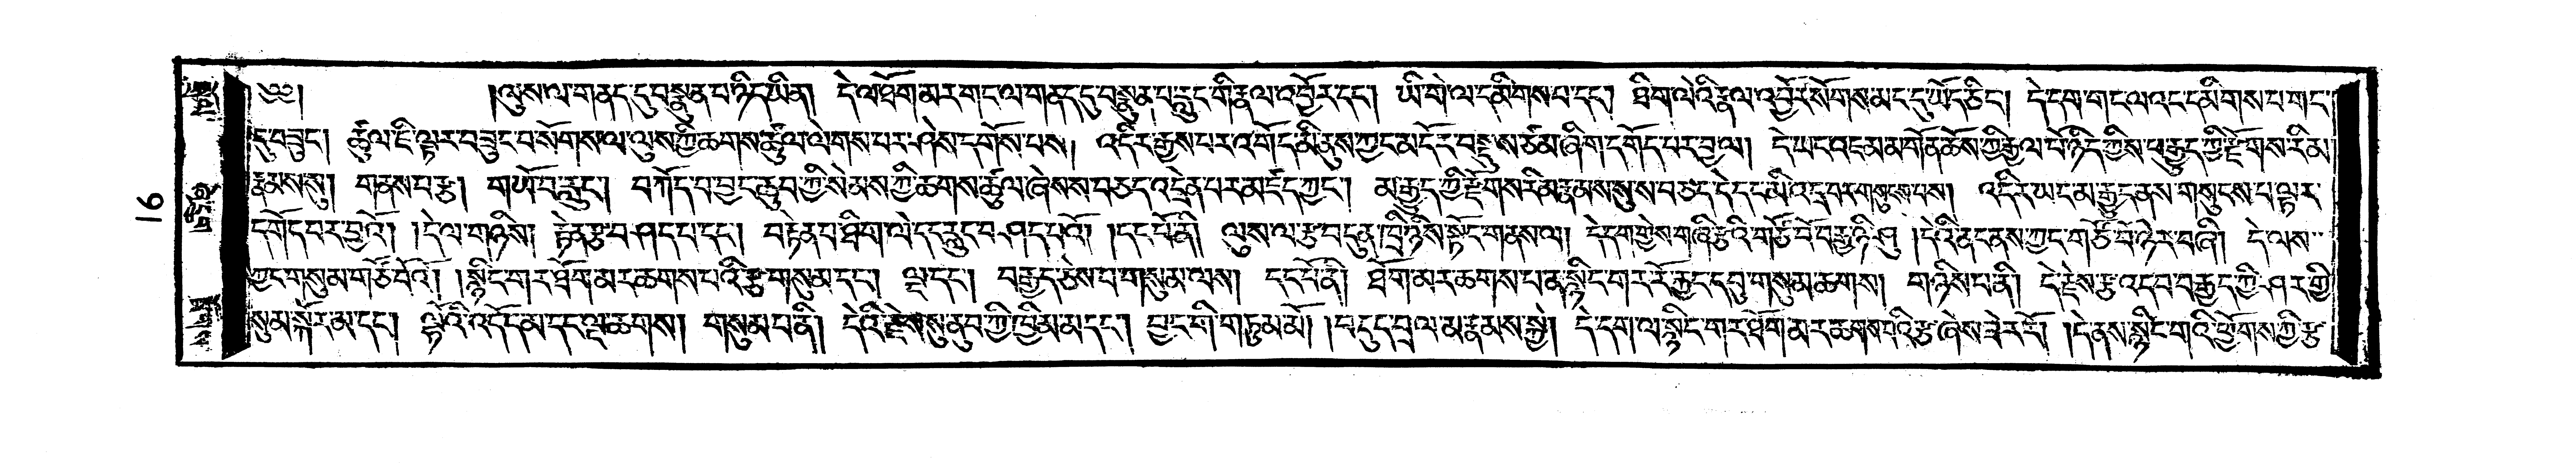༄༅། །ལུས་ལ་གནད་དུ་བསྣུན་པ་ཉིད་ཡིན། དེ་ལ་ཐོག་མར་གང་ལ་གནད་དུ་བསྣུན་པ་རླུང་གི་རྣལ་འབྱོར་དང་། ཡི་གེ་ལ་དམིགས་པ་དང་། ཐིག་ལེའི་རྣལ་འབྱོར་སོགས་མང་དུ་ཡོད་ཅིང་། དེ་དག་གང་ལའང་དམིགས་པ་གང་
དུ་བཟུང་། ཚུལ་ཇི་ལྟར་བཟུང་བ་སོགས་ལ་ལུས་ཀྱི་ཆགས་ཚུལ་ལེགས་པར་ཤེས་དགོས་པས། འདིར་རྒྱས་པར་འགོད་མི་ནུས་ཀྱང་མདོར་བསྡུས་ཙམ་ཞིག་དགོད་པར་བྱ་ལ། དེ་ཡང་འཇམ་མགོན་ཆོས་ཀྱི་རྒྱལ་པོ་ཉིད་ཀྱིས་ཕ་རྒྱུད་ཀྱི་རྫོགས་རིམ་
རྣམས་སུ། གནས་པ་རྩ། གཡོ་བ་རླུང་། བཀོད་པ་བྱང་ཆུབ་ཀྱི་སེམས་ཀྱི་ཆགས་ཚུལ་ཞེས་ས་བཅད་འདྲེན་པར་མཛད་ཀྱང་། མ་རྒྱུད་ཀྱི་རྫོགས་རིམ་རྣམས་སུ་ས་བཅད་དེ་དང་མི་འདྲ་བའི་གསུངས་པས། འདིར་ཡང་མ་རྒྱུད་ནས་གསུངས་པ་ལྟར་
དགོད་པར་བྱའོ། །དེ་ལ་གཉིས། རྟེན་རྩ་བཤད་པ་དང་། བརྟེན་པ་ཐིག་ལེ་དང་རླུང་བཤད་པའོ། །དང་པོ་ནི། ལུས་ལ་རྩ་བདུན་ཁྲི་ཉིས་སྟོང་གནས་ལ། དེ་དག་གྱེས་གཞི་རྩའི་གཙོ་བོ་བརྒྱ་ཉི་ཤུ། དེའི་ནང་ནས་ཀྱང་གཙོ་བོ་ཉེར་བཞི། དེ་ལས་
ཀྱང་གསུམ་གཙོ་བོའོ། །སྙིང་གར་ཐོག་མར་ཆགས་པའི་རྩ་གསུམ་དང་། ལྔ་དང་། བརྒྱད་ཅེས་པ་གསུམ་ལས། དང་པོ་ནི། ཐོག་མར་ཆགས་པ་ན་སྙིང་གར་རོ་རྐྱང་དབུ་གསུམ་ཆགས། གཉིས་པ་ནི། དེ་རྗེས་རྩ་འདབ་བརྒྱད་ཀྱི་ཤར་གྱི་
སུམ་སྐོར་མ་དང་། ལྷོའི་འདོད་མ་དང་ལྔ་ཆགས། གསུམ་པ་ནི། དེའི་རྗེས་སུ་ནུབ་ཀྱི་ཁྱིམ་མ་དང་། བྱང་གི་གཏུམ་མོ། བདུད་བྲལ་མ་རྣམས་སྐྱེ། དེ་དག་ལ་སྙིང་གར་ཐོག་མར་ཆགས་པའི་རྩ་ཞེས་ཟེར་རོ། །དེ་ནས་སྙིང་གའི་ཕྱོགས་ཀྱི་རྩ་